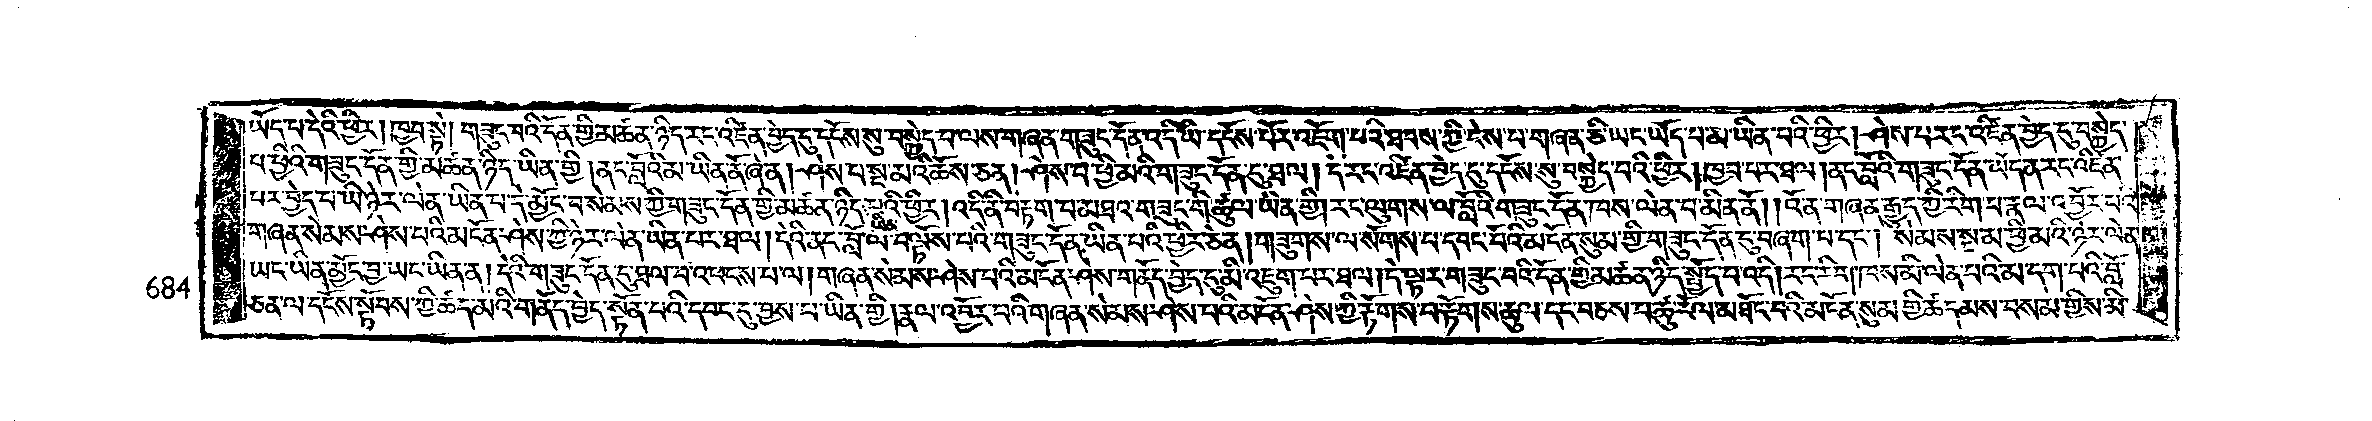ཡོད་པ་དེའི་ཕྱིར། ཁྱབ་སྟེ། གཟུང་བའི་དོན་གྱི་མཚན་ཉིད་རང་འཛིན་བྱེད་དུ་དངོས་སུ་བསྐྱེད་པ་ལས་གཞན་གཟུང་དོན་འདི་ཡི་དངོས་པོར་འཇོག་པའི་ཐབས་ཀྱི་ངེས་པ་གཞན་ཅི་ཡང་ཡོད་པ་མ་ཡིན་པའི་ཕྱིར། ཤེས་པར་ང་འཛིན་བྱེད་དུ་བསྐྱེད་
པ་ཕྱིའི་གཟུང་དོན་གྱི་མཚན་ཉིད་ཡིན་གྱི། ནང་བློའི་མ་ཡིན་ནོ་ཞེ་ན། ཤེས་པ་སྔ་མའི་ཆོས་ཅན། ཤེས་པ་ཕྱི་མའི་གཟུང་དོན་དུ་ཐལ། དེ་རང་འཛིན་བྱེད་དུ་དངོས་སུ་བསྐྱེད་པའི་ཕྱིར། ཁྱབ་པར་ཐལ། ནང་བློའི་གཟུང་དོན་ཡོད་ན་རང་འཛིན་
པར་བྱེད་པ་ཡི་ཉེར་ལེན་ཡིན་པ་དེ་མྱོང་བ་སེམས་ཀྱི་གཟུང་དོན་གྱི་མཚན་ཉིད་ཡིན་པའི་ཕྱིར། འདི་ནི་བརྟག་པ་མཐའ་གཟུང་གི་ཚུལ་ཡིན་གྱི། རང་ལུགས་ལ་བློའི་གཟུང་དོན་ཁས་ལེན་པ་མིན་ནོ། །འོ་ན་གཞན་རྒྱུད་ཀྱི་རིག་པ་རྣལ་འབྱོར་པའི་
གཞན་སེམས་ཤེས་པའི་མངོན་ཤེས་ཀྱི་ཉེར་ལེན་ཡིན་པར་ཐལ། དེའི་ནང་བློ་ལ་བལྟོས་པའི་གཟུང་དོན་ཡིན་པའི་ཕྱིར་ཅེ་ན། གཟུགས་ལ་སོགས་པ་དབང་པོའི་མངོན་སུམ་གྱི་གཟུང་དོན་དུ་བཞག་པ་དང་། སེམས་སྔ་མ་ཕྱི་མའི་ཉེར་ལེན་
ཡང་ཡིན་མྱོང་བྱ་ཡང་ཡིན་ན། དེའི་གཟུང་དོན་དུ་ཐལ་བ་འཕངས་པ་ལ། གཞན་སེམས་ཤེས་པའི་མངོན་ཤེས་གནོད་བྱེད་དུ་མི་འཇུག་པར་ཐལ། དེ་ལྟར་གཟུང་བའི་དོན་གྱི་མཚན་ཉིད་སྤྱོད་པ་འདི། རང་རིག་ཁས་མི་ལེན་པའི་མ་དག་པའི་བློ་
ཅན་ལ་དངོས་སྟོབས་ཀྱི་ཚད་མའི་གནོད་བྱེད་སྟོན་པའི་དབང་དུ་བྱས་པ་ཡིན་གྱི། རྣལ་འབྱོར་པའི་གཞན་སེམས་ཤེས་པའི་མངོན་ཤེས་ཀྱི་རྟོགས་པ་རྟོགས་ཆུལ་དང་བཅས་པ་ཚུ་རོལ་མཐོང་བའི་མངོན་སུམ་གྱི་ཚད་མས་བསམ་གྱིས་མི་